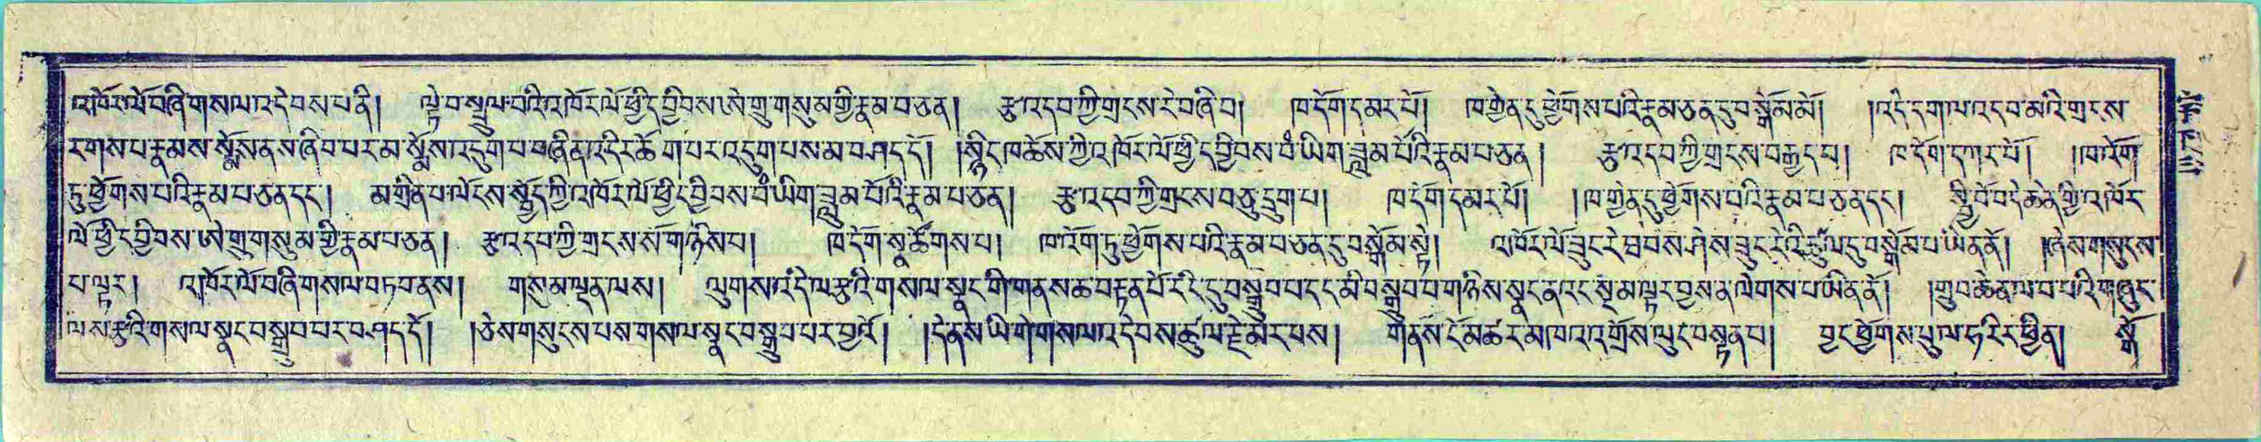འཁོར་ལོ་བཞི་གསལ་འདེབས་པ་ནི། ལྟེ་བ་སྤྲུལ་པའི་འཁོར་ལོ་ཕྱི་དབྱིབས་ཨེ་གྲུ་གསུམ་གྱི་རྣམ་པ་ཅན། རྩ་འདབ་ཀྱི་གྲངས་
རེ་བཞི་པ། ཁ་དོག་དམར་པོ། །ཁ་གྱེན་དུ་ཕྱོགས་པའི་རྣམ་ཅན་དུ་བསྒོམ་མོ། །འདི་དག་ལ་འདབ་མའི་གྲངས་རགས་པ་རྣམས་སྨོས་ནས་ཞིབ་པར་མ་སྨོས་འདུག་པ་བཞིན་འདིར་ཆོག་བར་འདུག་པས་
མ་བཤད་དོ། །སྙིང་ཁ་ཆོས་ཀྱི་འཁོར་ལོ་ཕྱི་དབྱིབས་བཾ་ཡིག་ཟླུམ་པོའི་རྣམ་པ་ཅན། རྩ་འདབ་ཀྱི་གྲངས་བརྒྱད་པ། ཁ་དོག་དཀར་པོ། །ཁ་འོག་ཏུ་ཕྱོགས་པའི་རྣམ་པ་ཅན་དང་། མགྲིན་པ་ལོངས་
སྤྱོད་ཀྱི་འཁོར་ལོ་ཕྱི་དབྱིབས་བཾ་ཡིག་ཟླུམ་པོའི་རྣམ་པ་ཅན། རྩ་འདབ་ཀྱི་གྲངས་བཅུ་དྲུག་པ། ཁ་དོག་དམར་པོ། །ཁ་གྱེན་དུ་ཕྱོགས་པའི་རྣམ་པ་ཅན་དང་། སྤྱི་བོ་བདེ་ཆེན་གྱི་འཁོར་ལོ་ཕྱི་དབྱིབས་ཨེ་གྲུ་གསུམ་གྱི་རྣམ་པ་ཅན། རྩ་འདབ་ཀྱི་གྲངས་སོ་གཉིས་པ། ཁ་དོག་སྣ་ཚོགས་པ། ཁ་འོག་ཏུ་ཕྱོགས་པའི་རྣམ་པ་ཅན་དུ་བསྒོམ་སྟེ། འཁོར་ལོ་ཟུང་རེ་ཐབས་ཤེས་ཟུང་རེའི་ཚུལ་དུ་བསྒོམ་པ་ཡིན་ནོ། །
ཞེས་གསུངས་པ་ལྟར། འཁོར་ལོ་བཞི་གསལ་བཏབ་ནས། གསུམ་ལྡན་ལས། ལུགས་འདི་ལ་རྩའི་གསལ་སྣང་གི་གནས་ཆ་བརྟན་པོ་རིང་དུ་བསྒྲུབ་པ་དང་མི་བསྒྲུབ་པ་གཉིས་སྣང་ནའང་སྔ་མ་ལྟར་
བྱས་ན་ལེགས་པ་ཡིན་ནོ། །གྲུབ་ཆེན་ལ་བ་བའི་གཞུང་ལས་རྩའི་གསལ་སྣང་བསྒྲབ་པར་བཤད་དོ། །ཅེས་གསུངས་པས་གསལ་སྣང་བསྒྲུབ་པར་བྱའོ། །དེ་ནས་ཡི་གེ་གསལ་འདེབས་ཚུལ་རྗེ་
མར་བས། གནས་ངོ་མཚར་མཁའ་འགྲོས་ལུང་བསྟན་པ། བྱང་ཕྱོགས་པུ་ལ་ཧ་རིར་ཕྱིན། སྒོ་